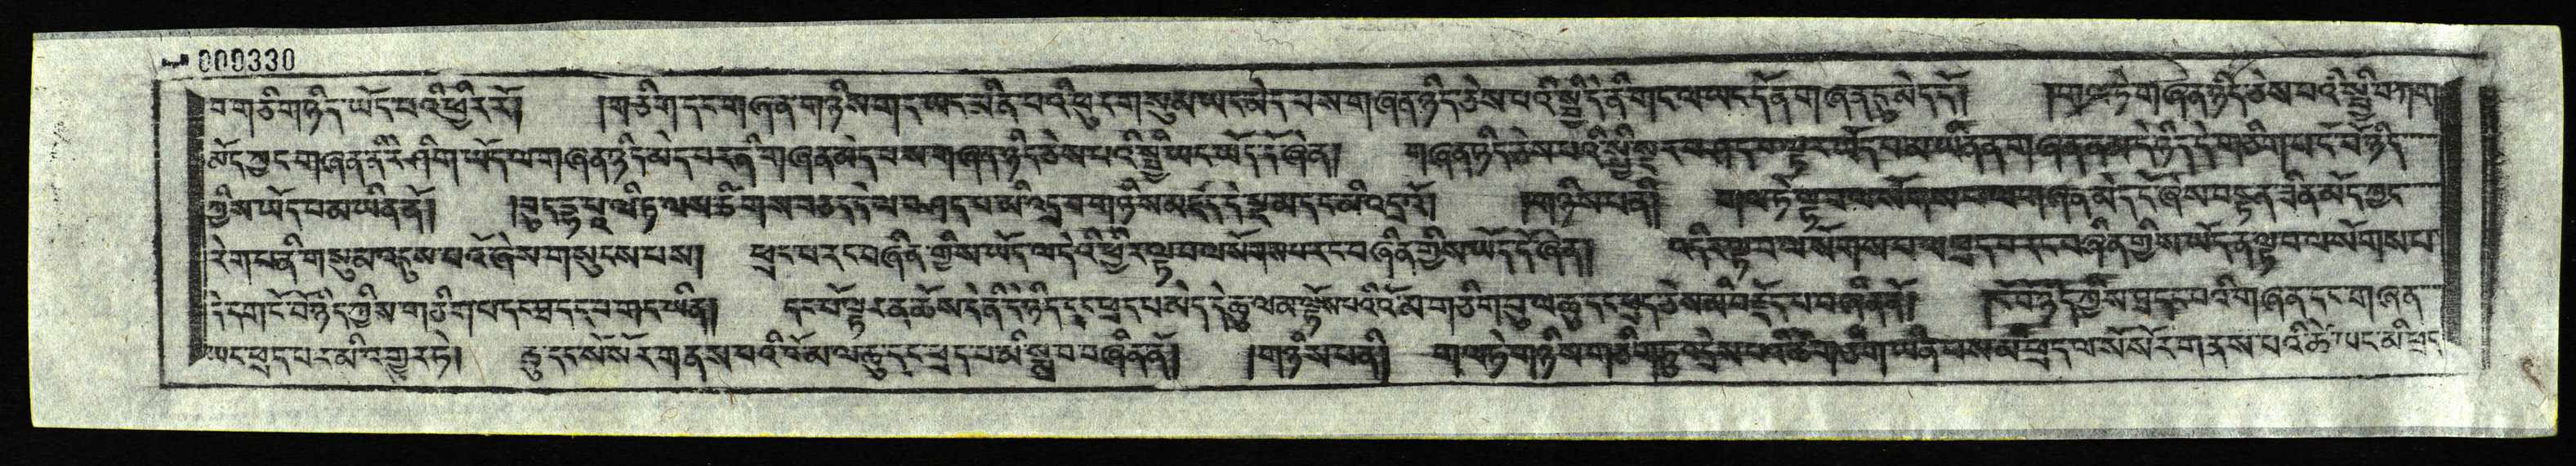བ་གཅིག་ཉིད་ཡོད་པའི་ཕྱིར་རོ། །གཅིག་དང་གཞན་གཉིས་གང་ཡང་མིན་པའི་ཕུར་གསུམ་ཡང་མེད་པས་གཞན་ཉིད་ཅེས་པའི་སྤྱི་དེ་ནི་གང་ལ་ཡང་དོན་གཞན་དུ་མེད་དོ། །གལ་ཏེ་གཞན་ཉིད་ཅེས་པའི་སྤྱི་བཀག་
མོད་ཀྱང་གཞན་ནི་རེ་ཤིག་ཡོད་ལ་གཞན་ཉིད་མེད་པར་ནི་གཞན་མེད་པས་གཞན་ཉིད་ཅེས་པའི་སྤྱི་ཡང་ཡོད་དོ་ཞེ་ན། གཞན་ཉིད་ཅེས་པའི་སྤྱི་སྔར་བཤད་པ་ལྟར་ཡོད་པ་མ་ཡིན་ན་གཞན་ནམ་དེ་ཉིད་དེ་གཅིག་པ་ངོ་བོ་ཉིད་
ཀྱིས་ཡོད་པ་མ་ཡིན་ནོ། །བུད་དྷ་པཱ་ལི་ཏ་ལས་ཚིགས་བཅད་དེ་ལ་བཤད་པ་མི་འདྲ་བ་གཉིས་མཛད་དེ་སྔ་མ་དང་མི་འདྲའོ། །གཉིས་པ་ནི། གལ་ཏེ་ལྟ་བ་ལ་སོགས་པ་ལ་གཞན་མེད་དོ་ཞེས་བསྟན་ཟིན་མོད་ཀྱང་
རེག་པ་ནི་གསུམ་འདུས་པའོ་ཞེས་གསུངས་པས། ཕྲད་པ་རང་བཞིན་གྱིས་ཡོད་ལ་དེའི་ཕྱིར་ལྟ་བ་ལ་སོགས་པ་རང་བཞིན་གྱིས་ཡོད་དོ་ཞེ་ན། འདིར་ལྟ་བ་ལ་སོགས་པ་ལ་ཕྲད་པ་རང་བཞིན་གྱིས་ཡོད་ན་ལྟ་བ་ལ་སོགས་པ་
དེ་དག་ངོ་བོ་ཉིད་ཀྱིས་གཅིག་པ་དང་ཐ་དད་པ་གང་ཡིན། དང་པོ་ལྟར་ན་ཆོས་དེ་ནི་དེ་ཉིད་དང་ཕྲད་པ་མེད་དེ་ཆུ་ལ་མ་ལྟོས་པའི་འོ་མ་གཅིག་པུ་ལ་ཆུ་དང་ཕྲད་ཅེས་མི་བརྗོད་པ་བཞིན་ནོ། །ངོ་བོ་ཉིད་ཀྱིས་ཐ་དད་པའི་གཞན་དང་གཞན་
ཡང་ཕྲད་པར་མི་འགྱུར་ཏེ། ཆུ་དང་སོ་སོར་གནས་པའི་འོ་མ་ལ་ཆུ་དང་ཕྲད་པ་མི་སྨྲ་བ་བཞིན་ནོ། །གཉིས་པ་ནི། གལ་ཏེ་གཉིས་གཅིག་ཏུ་འདྲེས་པའི་ཚེ་གཅིག་ཡིན་པས་མི་ཕྲད་ལ་སོ་སོར་གནས་པའི་ཚེ་ཡང་མི་ཕྲད་